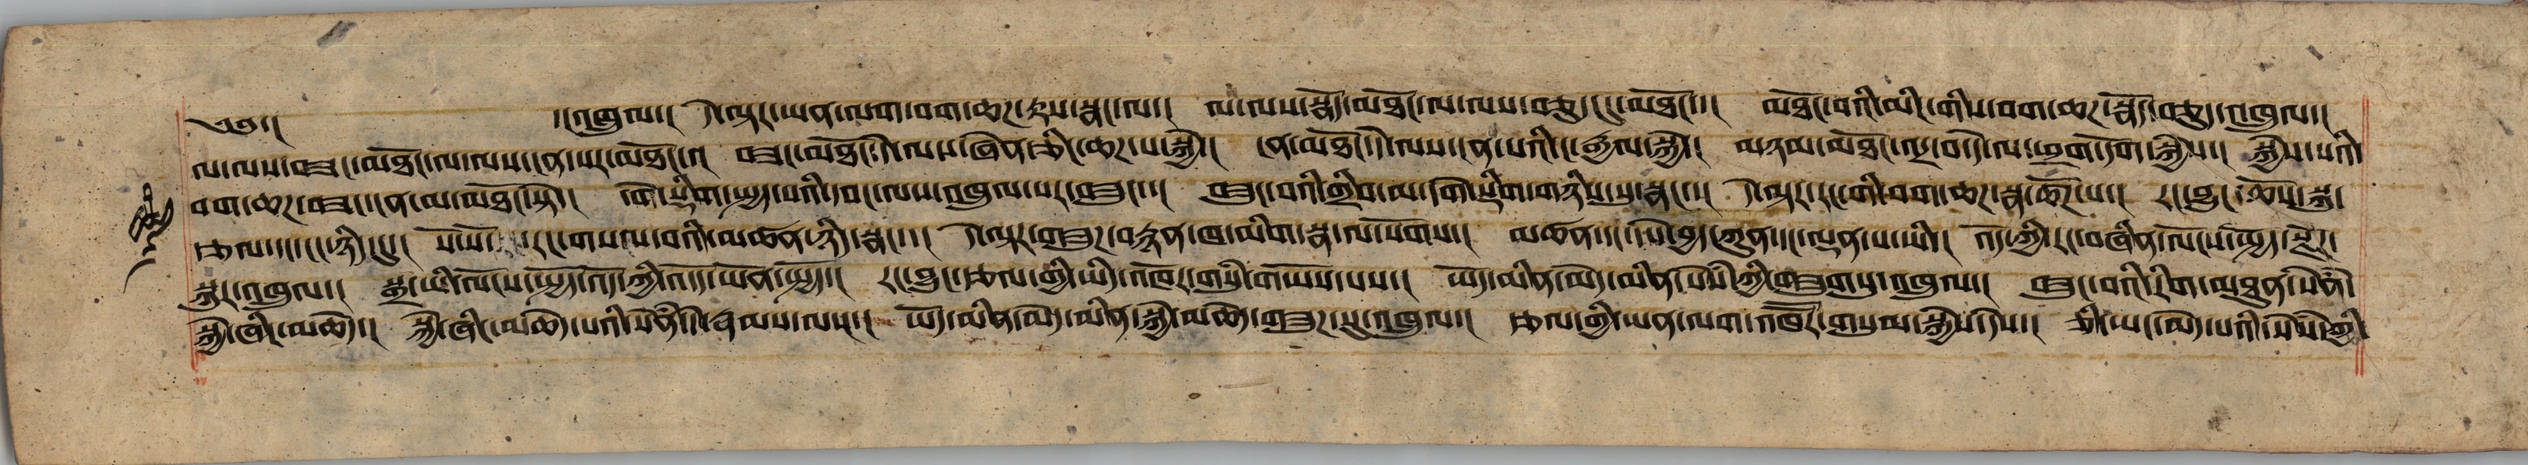༄༅་། ་།འཁྲུལ་། དེ་ལྟར་ཡན་ལག་བག་ཆཌ་རྟས་སྣང་ལ་། ལ་ལས་སྣོད་མཐོང་ལ་ལས་བཅུད་དུ་མཐོང་་། མཐོང་བའི་མིང་གིས་བག་ཆཌ་སྣོད་བཅུད་འཁྲུལ་།
ལ་ལས་བཟང་མཐོང་ལ་ལས་ངན་པར་མཐོང་་། བཟང་མཐོང་དེ་ལས་ཞེན་ཅིང་ཆཌ་པ་སྐྱེ་། ངན་མཐོང་དེ་ལས་ངན་པའི་ང་རྒྱལ་སྐྱེ་། མཉམ་མཐོང་འདྲ་བ་དེ་ལ་ཕྲག་དོག་སྐྱེས་། སྐྱེས་པའི་
བག་ཆཌ་བཟང་ངན་མ་མཐོང་སྟེ་། དགེ་སྡིག་སྤྱད་པའི་དབང་ལས་འཁྲུལ་པར་བཟུང་་། བཟུང་བའི་གྲིབ་མ་དགེ་སྡིག་གཉིས་སུ་བྱུང་་། དེ་ལྟར་རང་གི་བག་ཆཌ་སྣ་ཚོཌ་པ་། རང་བྱུང་ཆོས་སྐུ་
རྩལ་དང་ངང་ཉིད་དུ་། སོ་སོར་རང་རང་གསལ་བའི་མཚན་ཉིད་སྣང་་། དེ་ལྟར་གཟུཌ་བརྙན་ཁ་མིག་སྣ་ལ་སོགས་། མཚན་དང་དཔེ་བྱད་ཀུན་དང་ལྡན་པ་ཡི་། འོད་ཀྱི་རང་བཞིན་ལོངས་སྤྱོད་སྫོཌ་
སྐུར་འཁྲུལ་། སྒྲ་ཡི་ལོངས་སྤྱོད་འོད་ཀྱི་འདོད་ཡོན་སྤྱོད་། རང་བྱུང་རྩལ་གྱི་ཡིད་འཁོར་གསུཾ་གཡོས་པས་། ཡོད་མིན་མེད་མིན་སེཾས་ཀྱི་གཟུགསུ་འཁྲུལ་། བཟུང་བའི་རིག་མཐུན་སེཾན་
སྐྱེ་ཞིང་མཆེད་། སྐྱེ་ཞིང་མཆེད་པའི་སེཾན་དེ་རྣམས་ལས་། ཡོད་མིན་མེད་མིན་སྐྱེ་མཆེད་གཟུཌ་སུ་འཁྲུལ་། རྩལ་གྱི་ཡན་ལག་འཁཽར་གསུམ་སྐྱེས་དེས་། ཅི་ཡང་མེད་པའི་སེཾས་ཀྱི་